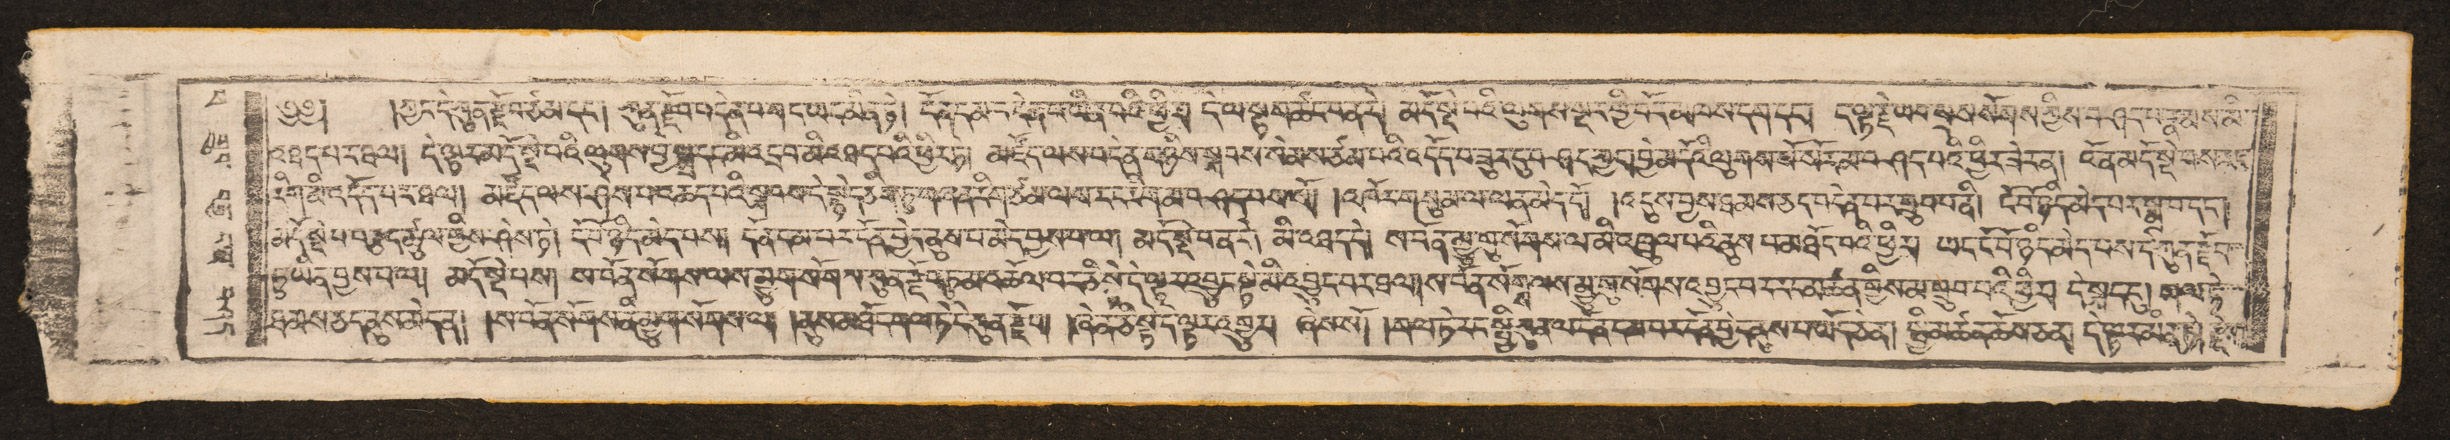༄༅། །ཀྱང་དེ་ཀུན་རྫོབ་ཙམ་དང་། ཀུན་རྫོབ་བདེན་པ་གང་ཡང་མིན་ཏེ། དོན་དམ་བདེན་པ་ཡིན་བའི་ཕྱིར། དེ་ལ་སྟག་ཚང་བ་ན་དེ། མདོ་སྡེ་བའི་ལུགས་སྔར་གྱི་བོད་མཁས་དག་དང་། ད་ལྟ་རྗེ་ཡབ་སྲས་སོགས་ཀྱིས་བཤད་པ་རྣམས་མི་
འཐོང་པར་ཐལ། དེ་ལྟར་མདོ་སྡེ་པའི་ལུགས་བྱེ་སྨྲ་དང་མི་འདྲ་བ་མི་འཐོང་པའི་ཕྱིར་ཏེ། མཛོད་ལས་བདེན་གཉིས་སྐབས་སེམས་ཙམ་པའི་འདོད་པ་ཟུར་དུ་བཤད་ཀྱང་ཁྱེ་མདོའི་ལུགས་སོ་སོར་མ་བཤད་པའི་ཕྱིར་ཟེར་ན། འོ་ན་མདོ་སྡེ་པས་དང་
རིག་མི་འདོད་པར་ཐལ། མཛོད་ལས་ཤེས་པ་འཆད་པའི་སྐབས་དེ་སྙེད་ཅིག་ཏུ་གཞན་རིག་ཙམ་ལས་རང་རིག་མ་བཤད་པས་སོ། །འཁོར་གསུམ་ལ་ལན་མེད་དོ། །འདུས་བྱས་ཐམས་ཅད་བདེན་པར་གྲུབ་པ་ནི། ངོ་བོ་ཉིད་མེད་པར་སྨྲ་བ་དང་།
མདོ་སྡེ་པ་བརྩད་ཚུལ་གྱིས་ཤེས་ཏེ། ངོ་བོ་ཉིད་མེད་པས། དོན་དམ་པར་དོན་བྱེད་ནུས་པ་མེད་བྱས་པ་ལ། མདོ་སྡེ་པ་ན་རེ། མི་འཐད་དེ། ས་བོན་མྱུ་གུ་སོགས་ལ་མི་འཁྲུལ་པའི་ནུས་པ་མཐོང་བའི་ཕྱིར། ཡང་ངོ་བོ་ཉིད་མེད་པས་དེ་ཀུན་རྫོབ་
ཏུ་ཡིན་བྱས་པ་ལ། མདོ་སྡེ་པས། ས་བོན་སོགས་ལས་མྱུག་སོགས་ཀུན་རྫོབ་ཏུ་མ་འཆོལ་པར་ཅི་སྟེ་དེ་ལྟར་འབྱུང་སྟེ་མི་འབྱུང་བར་ཐལ། ས་བོན་སོགས་ལས་མྱུ་གུ་སོགས་འབྱུང་བར་རང་མཚན་གྱིས་མ་གྲུབ་པའི་ཕྱིར། དེ་སྐད་དུ། གལ་ཏེ་
ཐམས་ཅད་ནུས་མེད་ན། །ས་བོན་སོགས་ནི་མྱུག་སོགས་ལ། །ནུས་མཐོང་གལ་ཏེ་དེ་ཀུན་རྫོབ། །ཞེན་ཅི་སྟེ་དེ་ལྟར་འགྱུར། ཞེས་སོ། །གལ་ཏེ་རང་སྤྱི་ཀུན་ལ་དོན་དམ་པར་དོན་བྱེད་ནུས་པ་ཡོད་ཅན། སྦྱི་མཚན་ཆོས་ཅན། དེ་ལྟར་མིན་ཏེ། རྗེས་